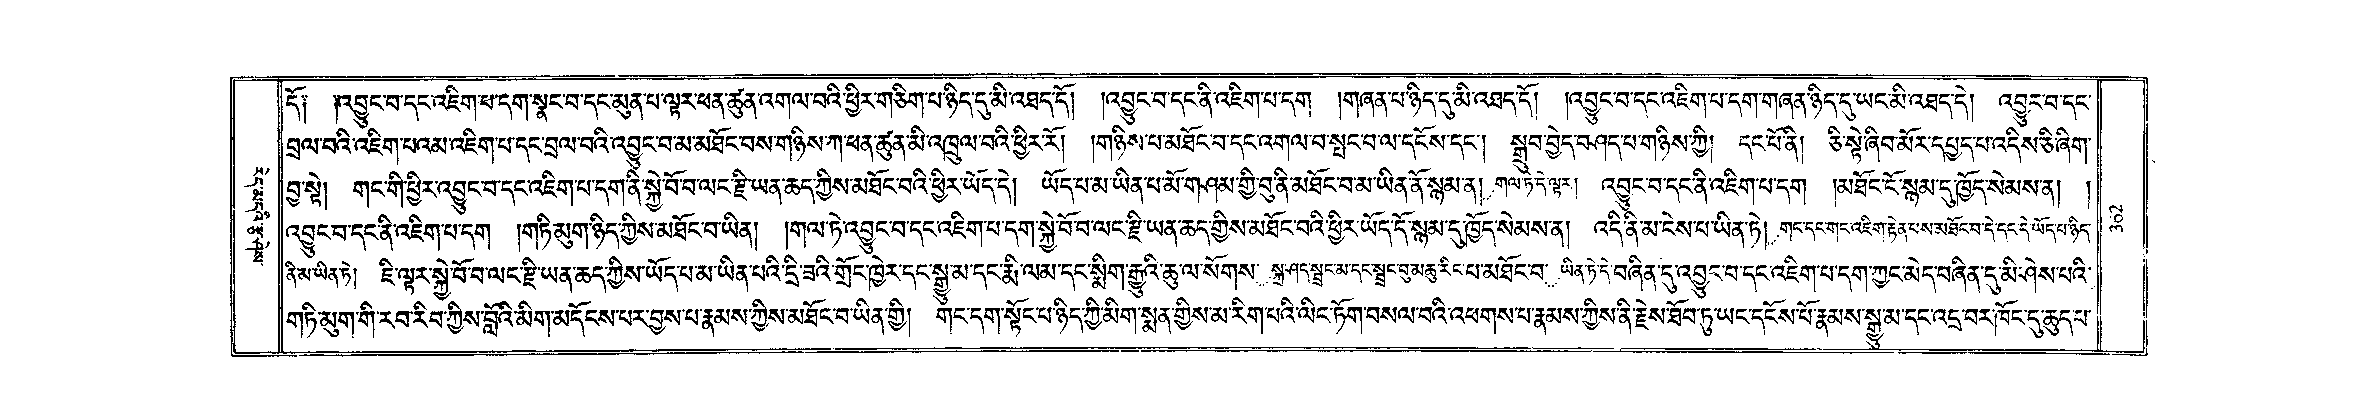དོ༑ ༑འབྱུང་བ་དང་འཇིག་པ་དག་སྣང་བ་དང་མུན་པ་ལྟར་ཕན་ཚུན་འགལ་བའི་ཕྱིར་གཅིག་པ་ཉིད་དུ་མི་འཐད་དོ། །འབྱུང་བ་དང་ནི་འཇིག་པ་དག །གཞན་པ་ཉིད་དུ་མི་འཐད་དོ། །འབྱུང་བ་དང་འཇིག་པ་དག་གཞན་ཉིད་དུ་ཡང་མི་འཐད་དེ། འབྱུང་བ་དང་
བྲལ་བའི་འཇིག་པའམ་འཇིག་པ་དང་བྲལ་བའི་འབྱུང་བ་མ་མཐོང་བས་གཉིས་ཀ་ཕན་ཚུན་མི་འཁྲུལ་བའི་ཕྱིར་རོ། །གཉིས་པ་མཐོང་བ་དང་འགལ་བ་སྤང་བ་ལ་དངོས་དང་། སྒྲུབ་བྱེད་བཤད་པ་གཉིས་ཀྱི། དང་པོ་ནི། ཅི་སྟེ་ཞིབ་མོར་དཔྱད་པ་འདིས་ཅི་ཞིག་
བྱ་སྟེ། གང་གི་ཕྱིར་འབྱུང་བ་དང་འཇིག་པ་དག་ནི་སྐྱེ་བོ་བ་ལང་རྫི་ཡན་ཆད་ཀྱིས་མཐོང་བའི་ཕྱིར་ཡོད་དེ། ཡོད་པ་མ་ཡིན་པ་མོ་གཤམ་གྱི་བུ་ནི་མཐོང་བ་མ་ཡིན་ནོ་སྙམ་ན། གལ་ཏེ་དེ་ལྟར།  འབྱུང་བ་དང་ནི་འཇིག་པ་དག །མཐོང་ངོ་སྙམ་དུ་ཁྱོད་སེམས་ན། །
འབྱུང་བ་དང་ནི་འཇིག་པ་དག །གཏི་མུག་ཉིད་ཀྱིས་མཐོང་བ་ཡིན། །གལ་ཏེ་འབྱུང་བ་དང་འཇིག་པ་དག་སྐྱེ་བོ་བ་ལང་རྫི་ཡན་ཆད་གྱིས་མཐོང་བའི་ཕྱིར་ཡོད་དོ་སྙམ་དུ་ཁྱོད་སེམས་ན། འདི་ནི་མ་ངེས་པ་ཡིན་ཏེ། གང་དང་གང་འཇིག་རྟེན་པས་མཐོང་བ་དེ་དང་དེ་ཡོད་པ་ཉིད་
ནི་མ་ཡིན་ཏེ། ཇི་ལྟར་སྐྱེ་བོ་བ་ལང་རྫི་ཡན་ཆད་ཀྱིས་ཡོད་པ་མ་ཡིན་པའི་དྲི་ཟའི་གྲོང་ཁྱེར་དང་སྒྱུ་མ་དང་རྨི་ལམ་དང་སྨིག་རྒྱུའི་ཆུ་ལ་སོགས་སྐྲ་ཤད་སྦྲང་མ་དང་སྦྲང་བུ་མཆུ་རིང་པ་མཐོང་བ་ཡིན་ཏེ་དེ་བཞིན་དུ་འབྱུང་བ་དང་འཇིག་པ་དག་ཀྱང་མེད་བཞིན་དུ་མི་ཤེས་པའི་
གཏི་མུག་གི་རབ་རིབ་ཀྱིས་བློའི་མིག་མདོངས་པར་བྱས་པ་རྣམས་ཀྱིས་མཐོང་བ་ཡིན་གྱི། གང་དག་སྟོང་པ་ཉིད་ཀྱི་མིག་སྨྲན་གྱིས་མ་རིག་པའི་ལིང་ཏོག་བསལ་བའི་འཕགས་པ་རྣམས་ཀྱིས་ནི་རྗེས་ཐོབ་ཏུ་ཡང་དངོས་པོ་རྣམས་སྒྱུ་མ་དང་འདྲ་བར་ཁོང་དུ་ཆུད་པ་